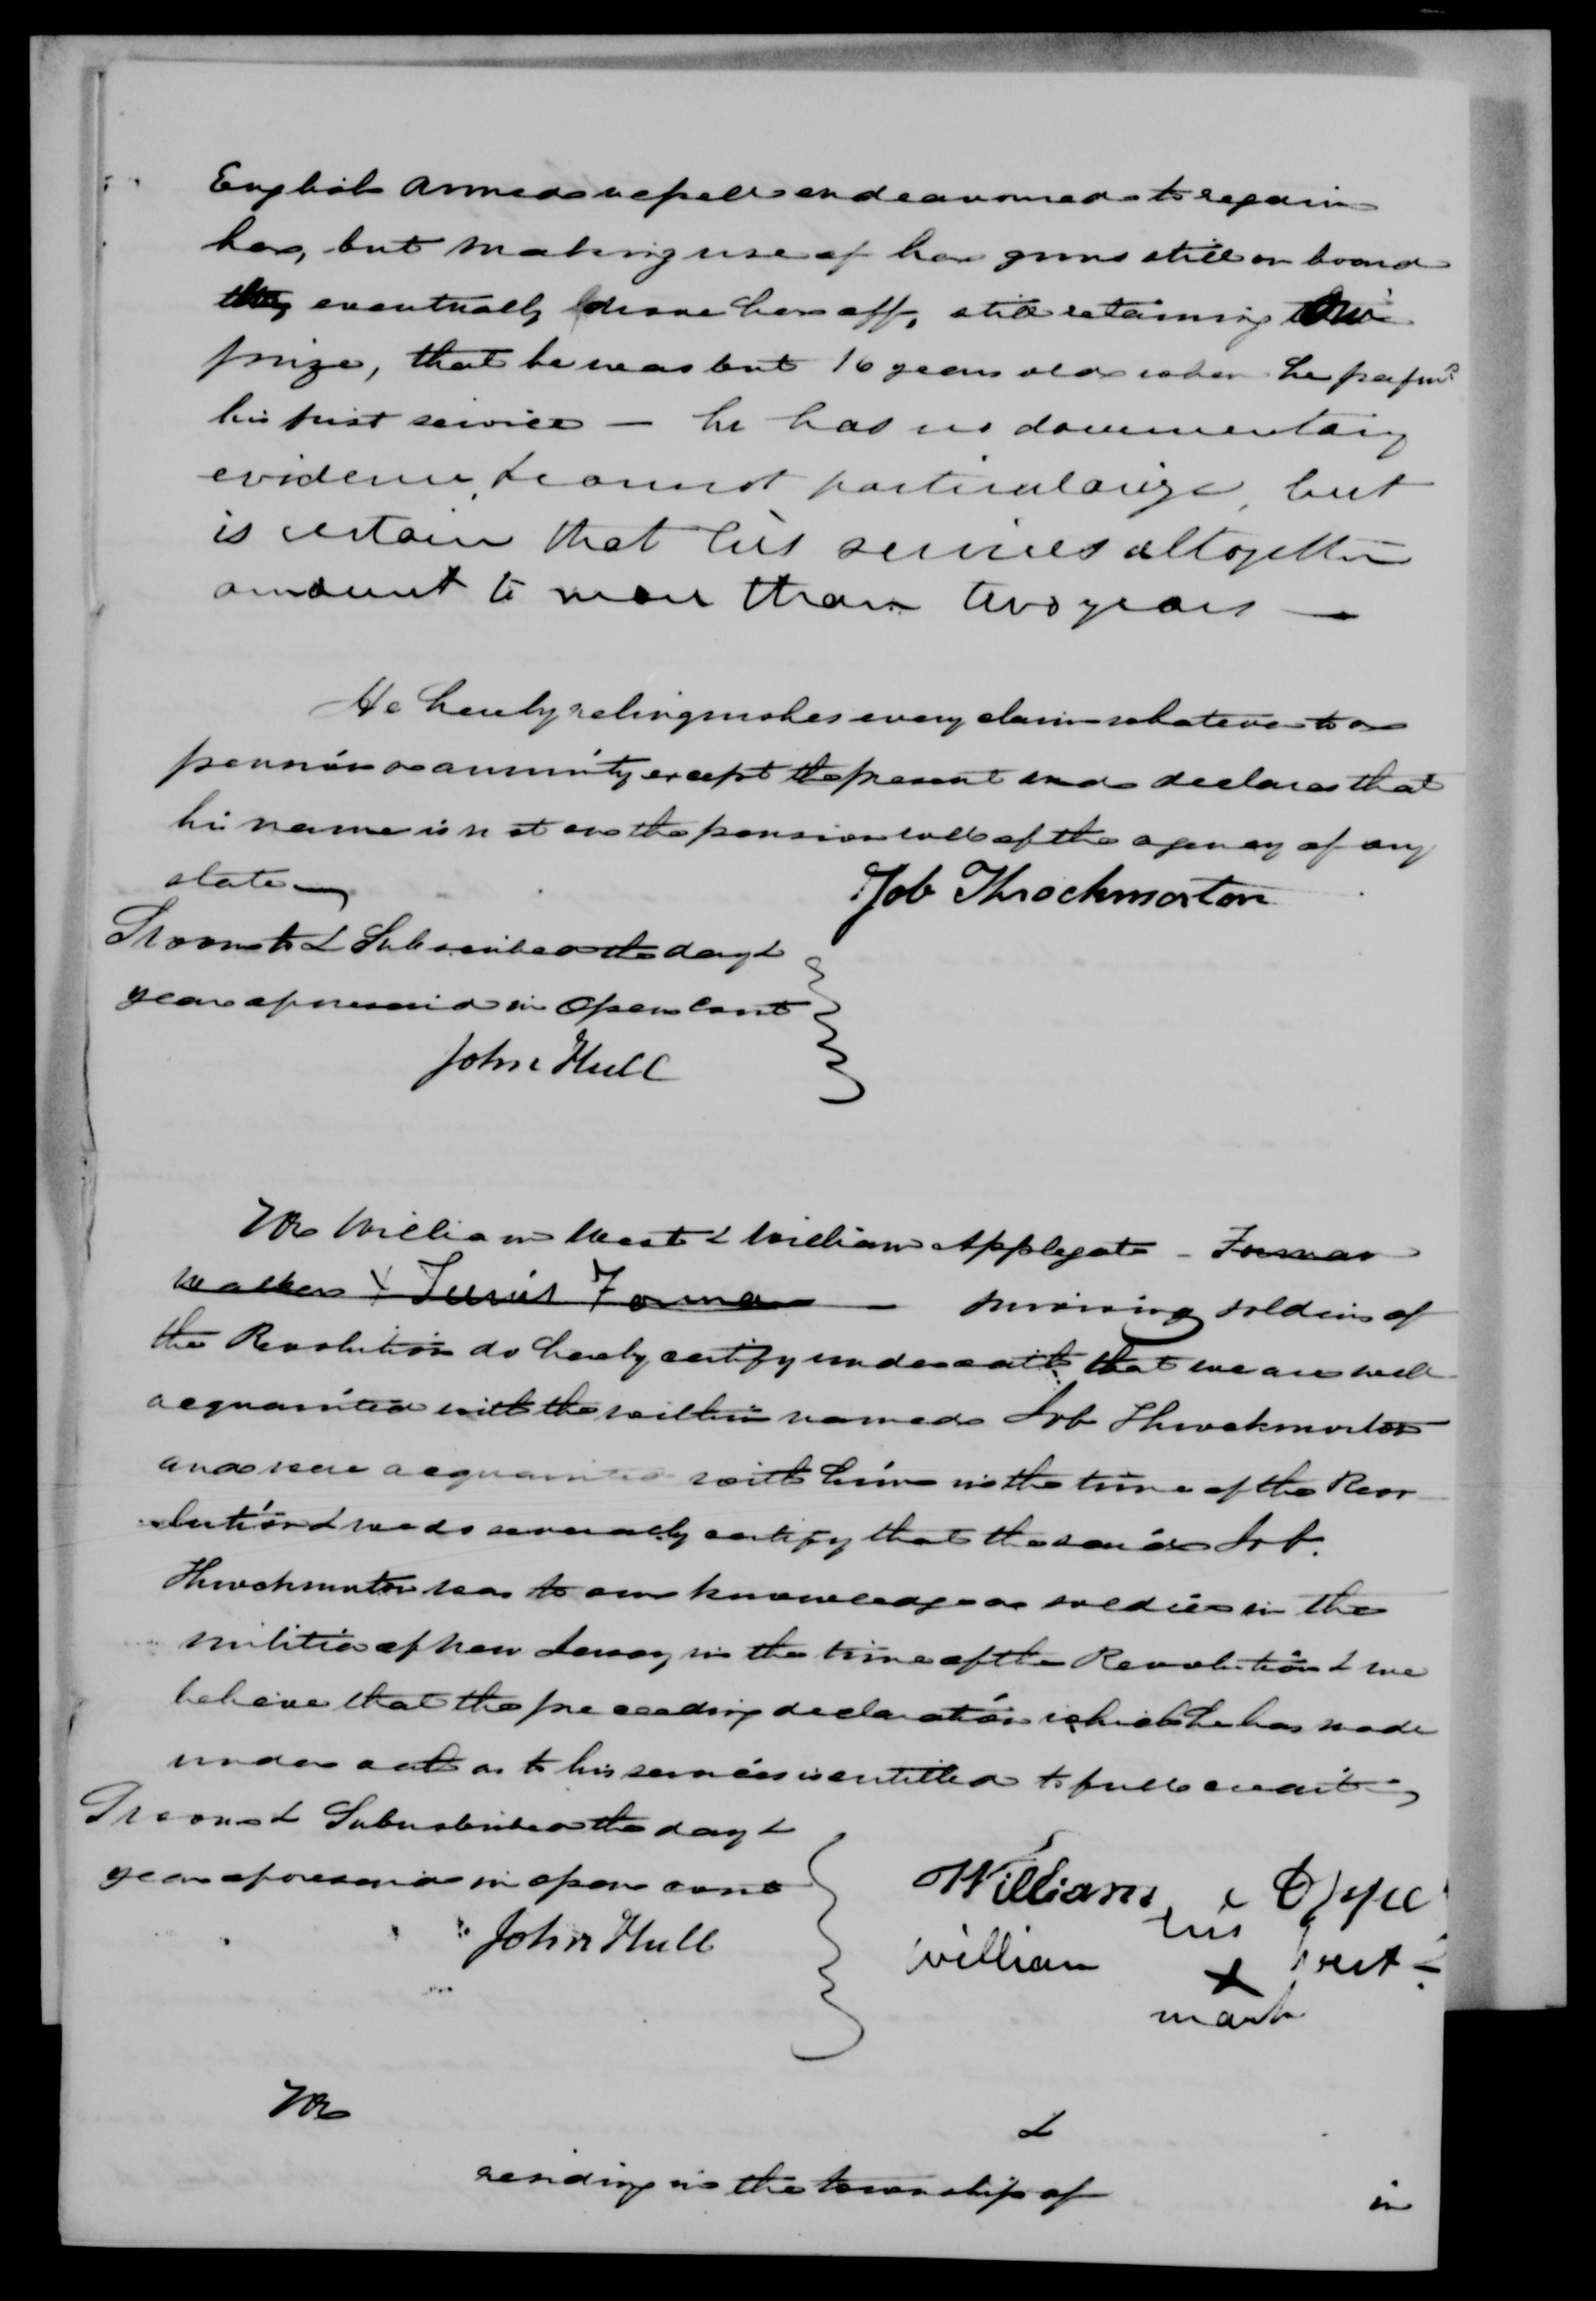English armada repelled endeavored to repair here, but making use of her guns still on board they eventually drove her off, still retaining their prize, that he was but 16 years old when he performed his first service- he has no documentary evidence he cannot particularize, but is certainly that his services altogether amount to more than two years. 
He hereby relinquishes every claim whatsoever to a pension or annuity except the present and declares that his name is not on the pension rolls of the agency of any state. Job Throckmorton.
Sworn to and subscribed the day and year aforesaid in Open Court.
John Hull.
Mrs. William West and William Applegate surviving  soldiers of the Revolution do hereby certify underneath that we are well acquainted with the [illegible] named Job Throckmorton and were well acquainted with him in the time of the Revolution and do hereby certify that the said Job Throckmorton was to our knowledge a soldier in the Militia of New Jersey in the time of the Revolution and we believe that the preceeding declaration which he has made under as to his services is entitled to full credit. William Applegate X his mark and William West X his mark.
Sworn to  & subscribed on the day and year aforesaid in Open Court. John Hull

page: 5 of 14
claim: survivor's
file: S. 764, for Job Throckmorton, New Jersey